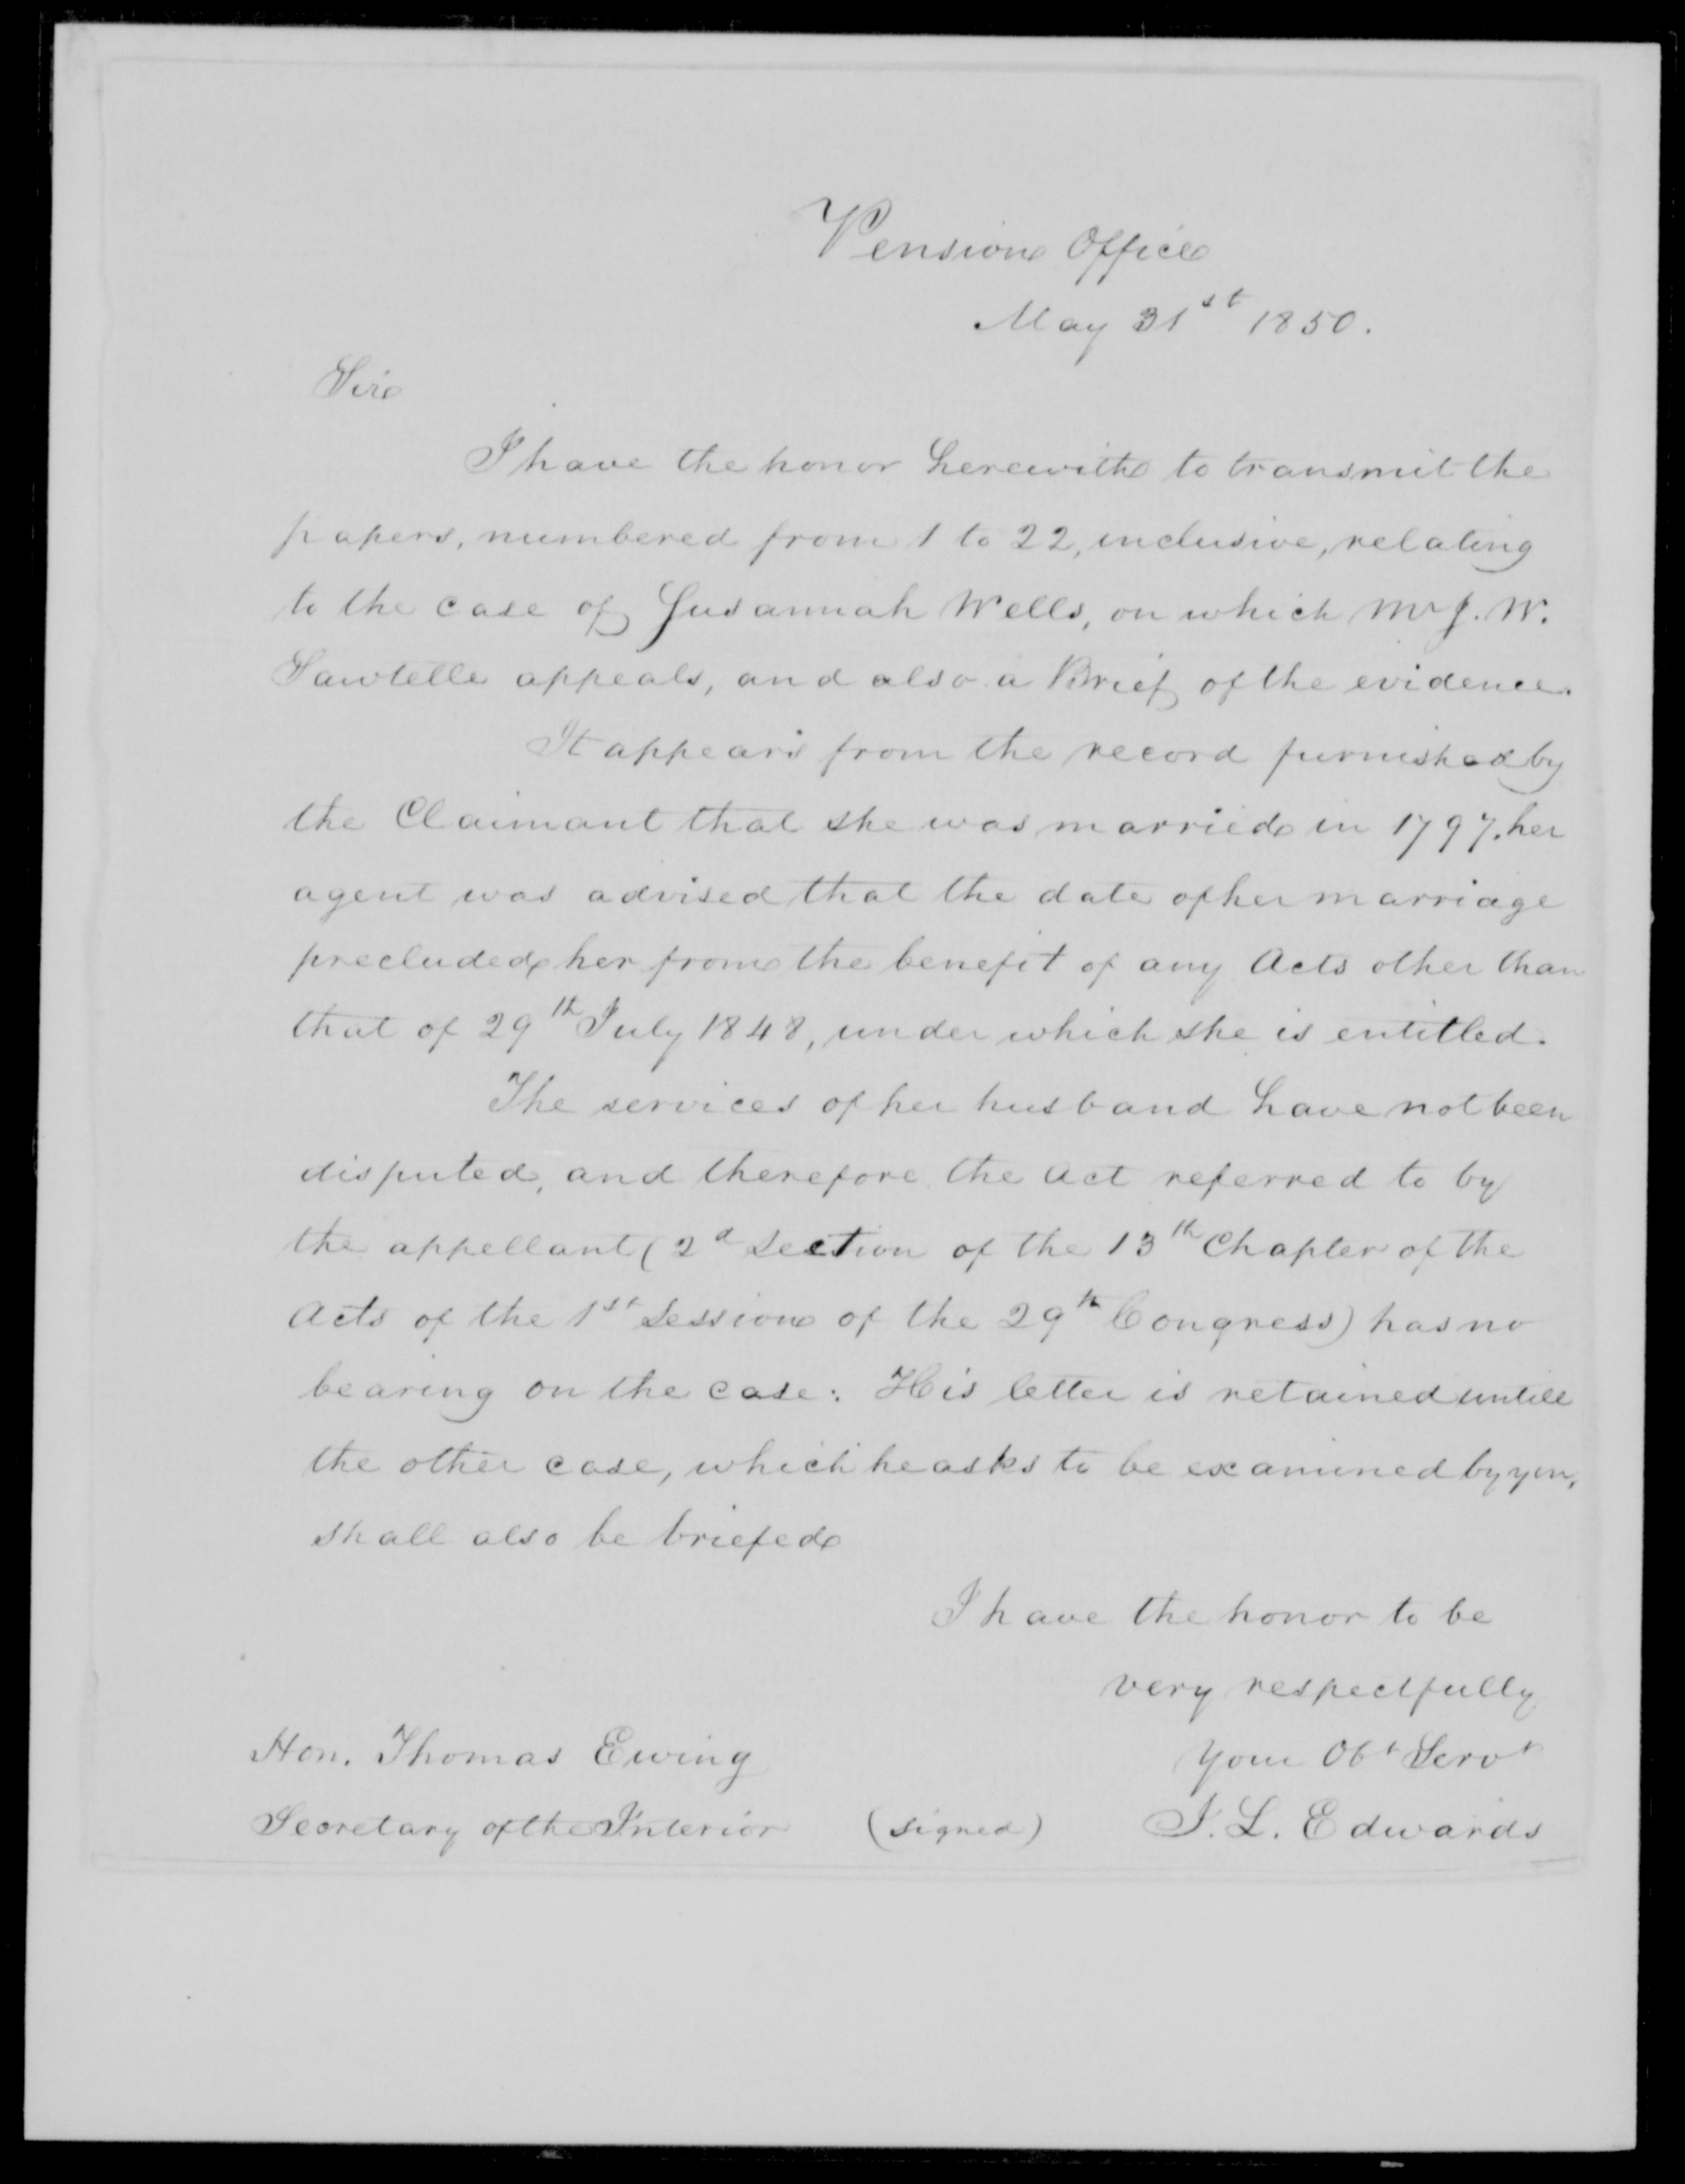Pension Office
May 31st 1850.
Sir, 
I have the honor herewith to transmit the
papers, numbered from 1 to 22, inclusive, relating
to the case of Susannah Wells, on which Mr J.W.
Sawtelle appeals, and also a brief of the evidence.
It appears from the record furnished by
the Claimant that she was married in 1797, her
agent was advised that the date of her marriage
precluded her from the benefit of any acts other than that of 29th July 1848, under which she is entitled.
The services of her husband have not been
disputed, and therefore the act referred to by
the appellant (2d section of the 13th chapter of the
Acts of the 1st Session of the 29th Congress) has no
bearing on the case: His letter is retained untill
the other case, which he asks to be examined by you, shall also be briefed.

I have the honor to be
Very respectfully
Your Obt Servt
J. L. Edwards
(Signed)

Hon. Thomas Ewing
Secretary of the Interior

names: J L Edwards, Thomas Ewing, Susannah Wells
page: 72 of 100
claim: widow's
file: W. 6437, Richard Wells, Ga Va.